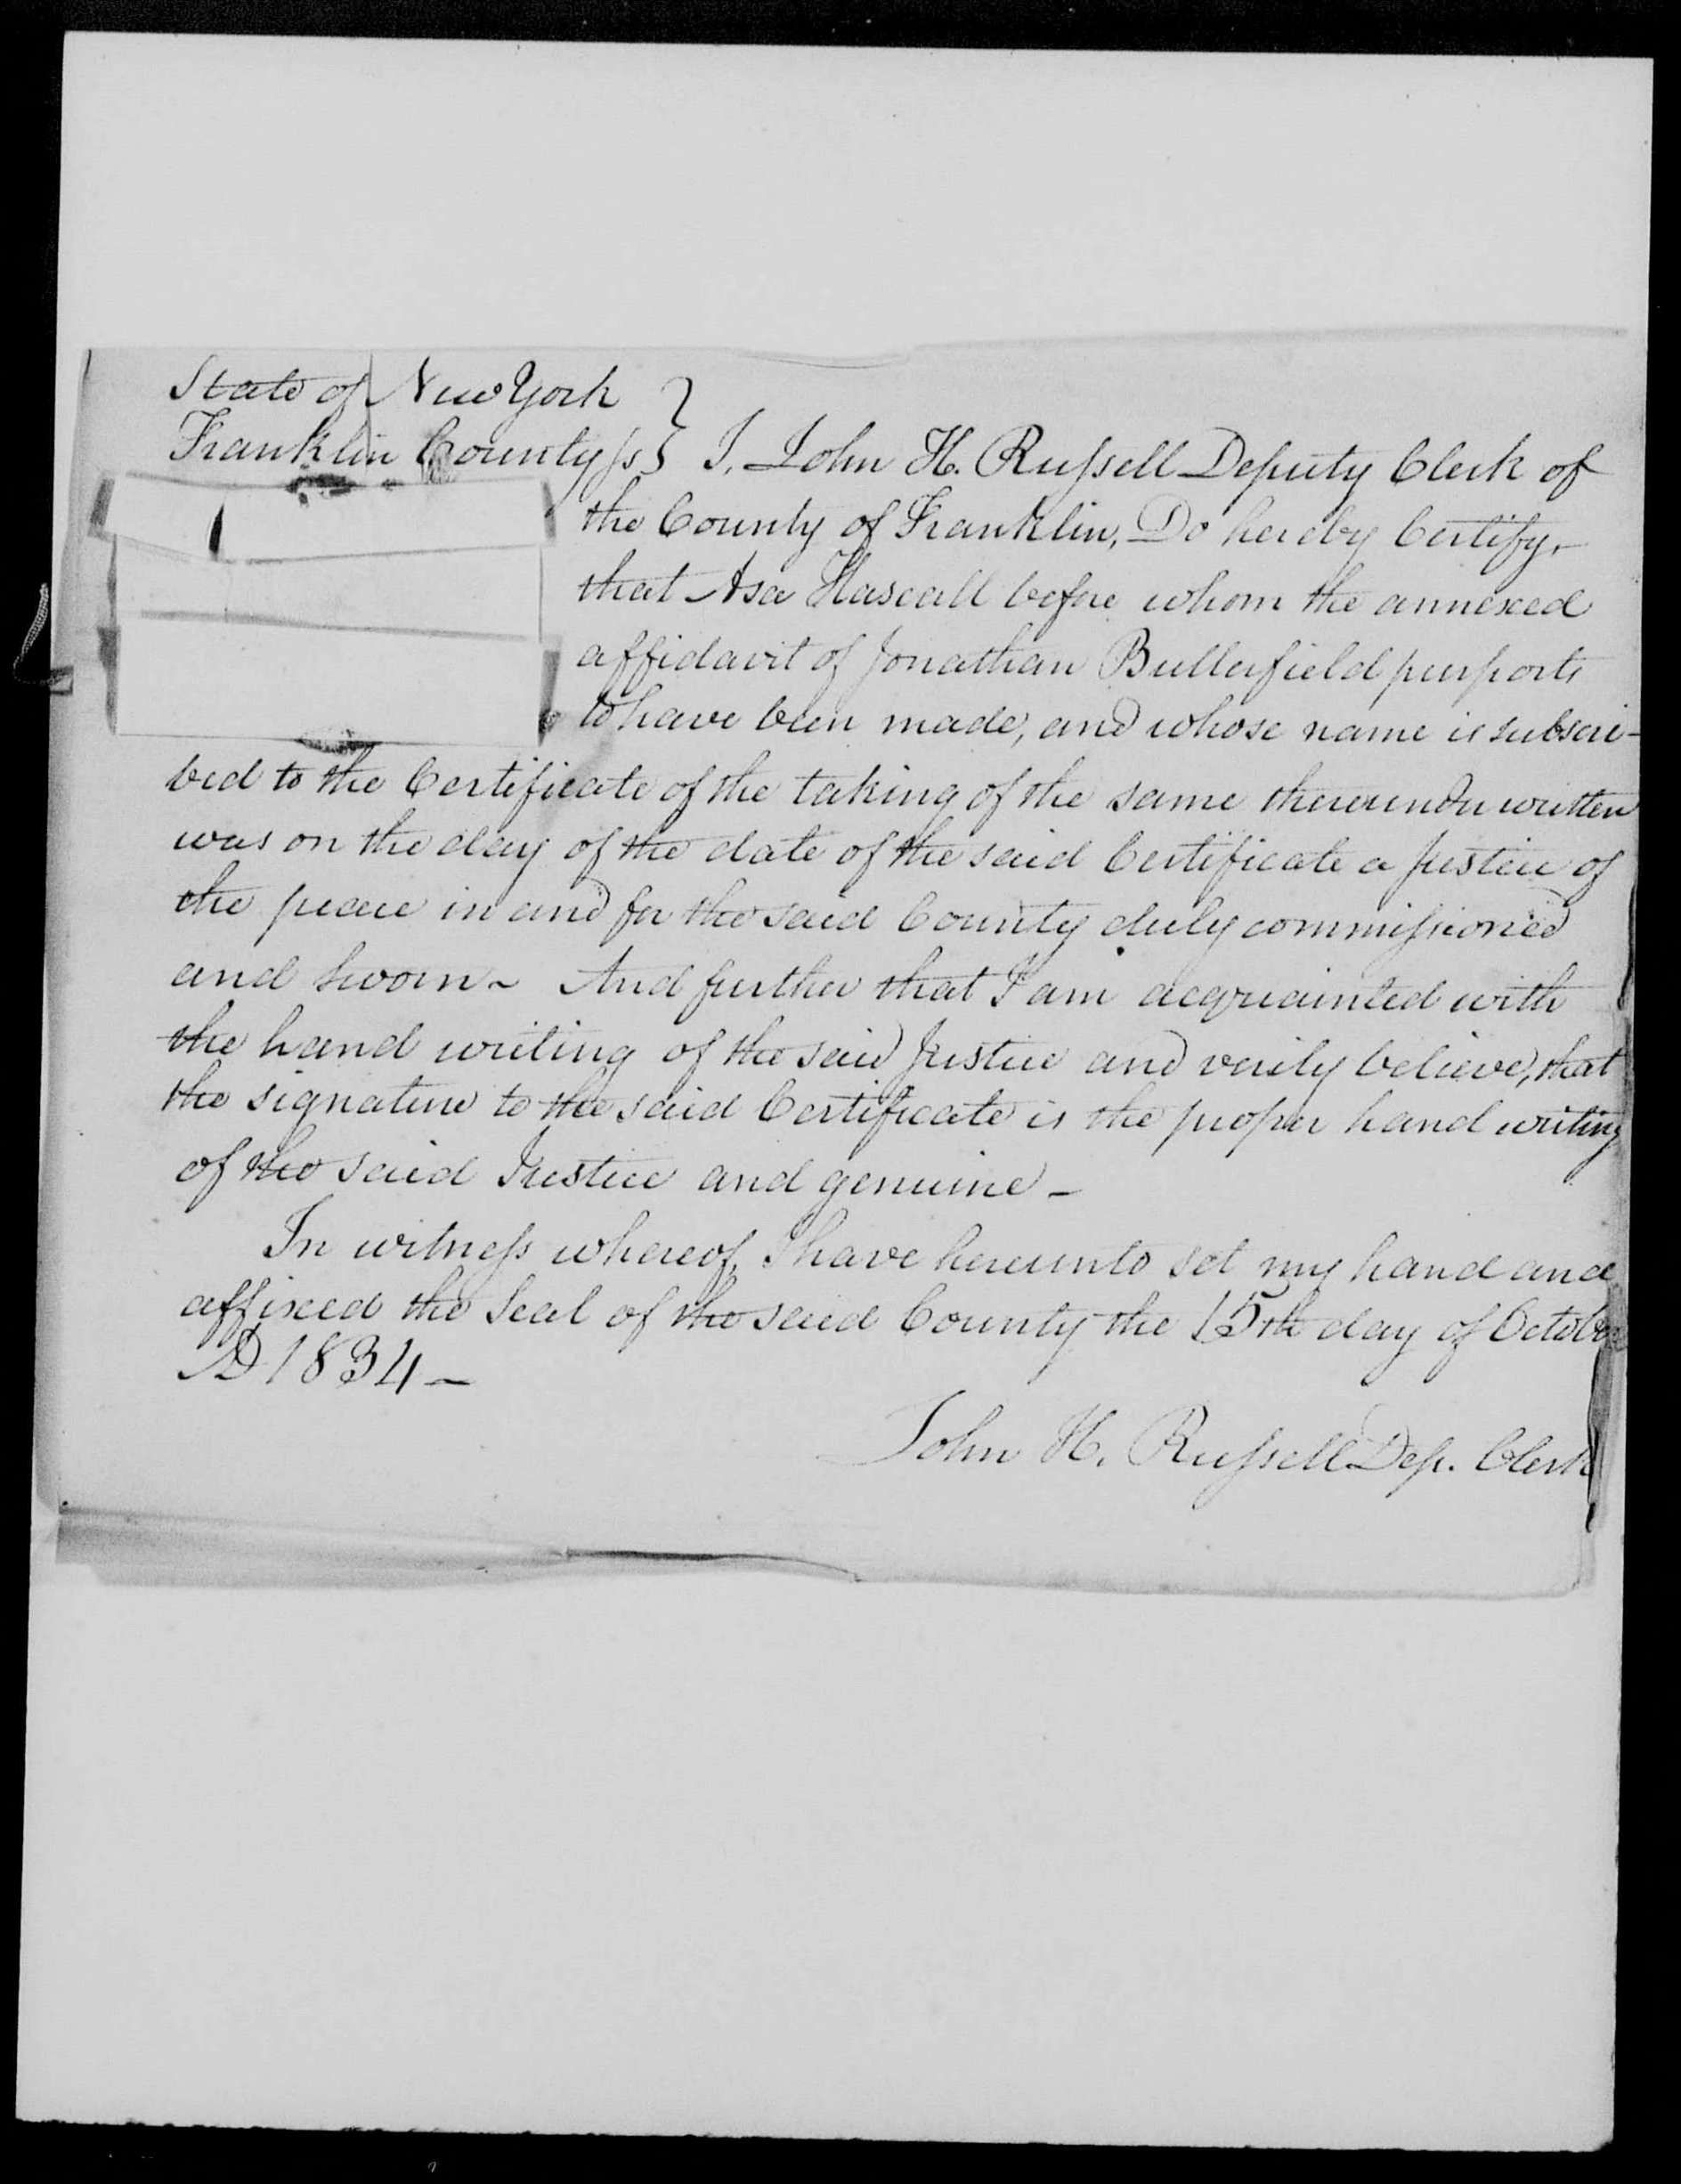State of New York
Franklin County  ⎬
 I, John H. Russell, Deputy Clerk of
the County of Franklin, do hereby certify
that Asa Hascall before whom the annexed
affidavit of Jonathan Butterfield purports
to have been made, and whose name is subscribed to the Certificate of the taking of the same thereunder written was on the day of the date of the said Certificate a Justice of the peace in and for the said County duly commissioned and sworn- And further that I am acquainted with the hand writing of the said Justice and verily believe, that the signature to the said Certificate is the proper hand writing of the said Justice and genuine-

In witness whereof I have hereunto set my hand and affixed the Seal of the said County the 15th day of October
        John H. Russell, Dep. Clerk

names: Jonathan Butterfield, John H Russell, John H Russell, Asa Hascall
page: 25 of 40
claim: rejected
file: R. 1558, Jonathan Butterfield, Mass. Vt.